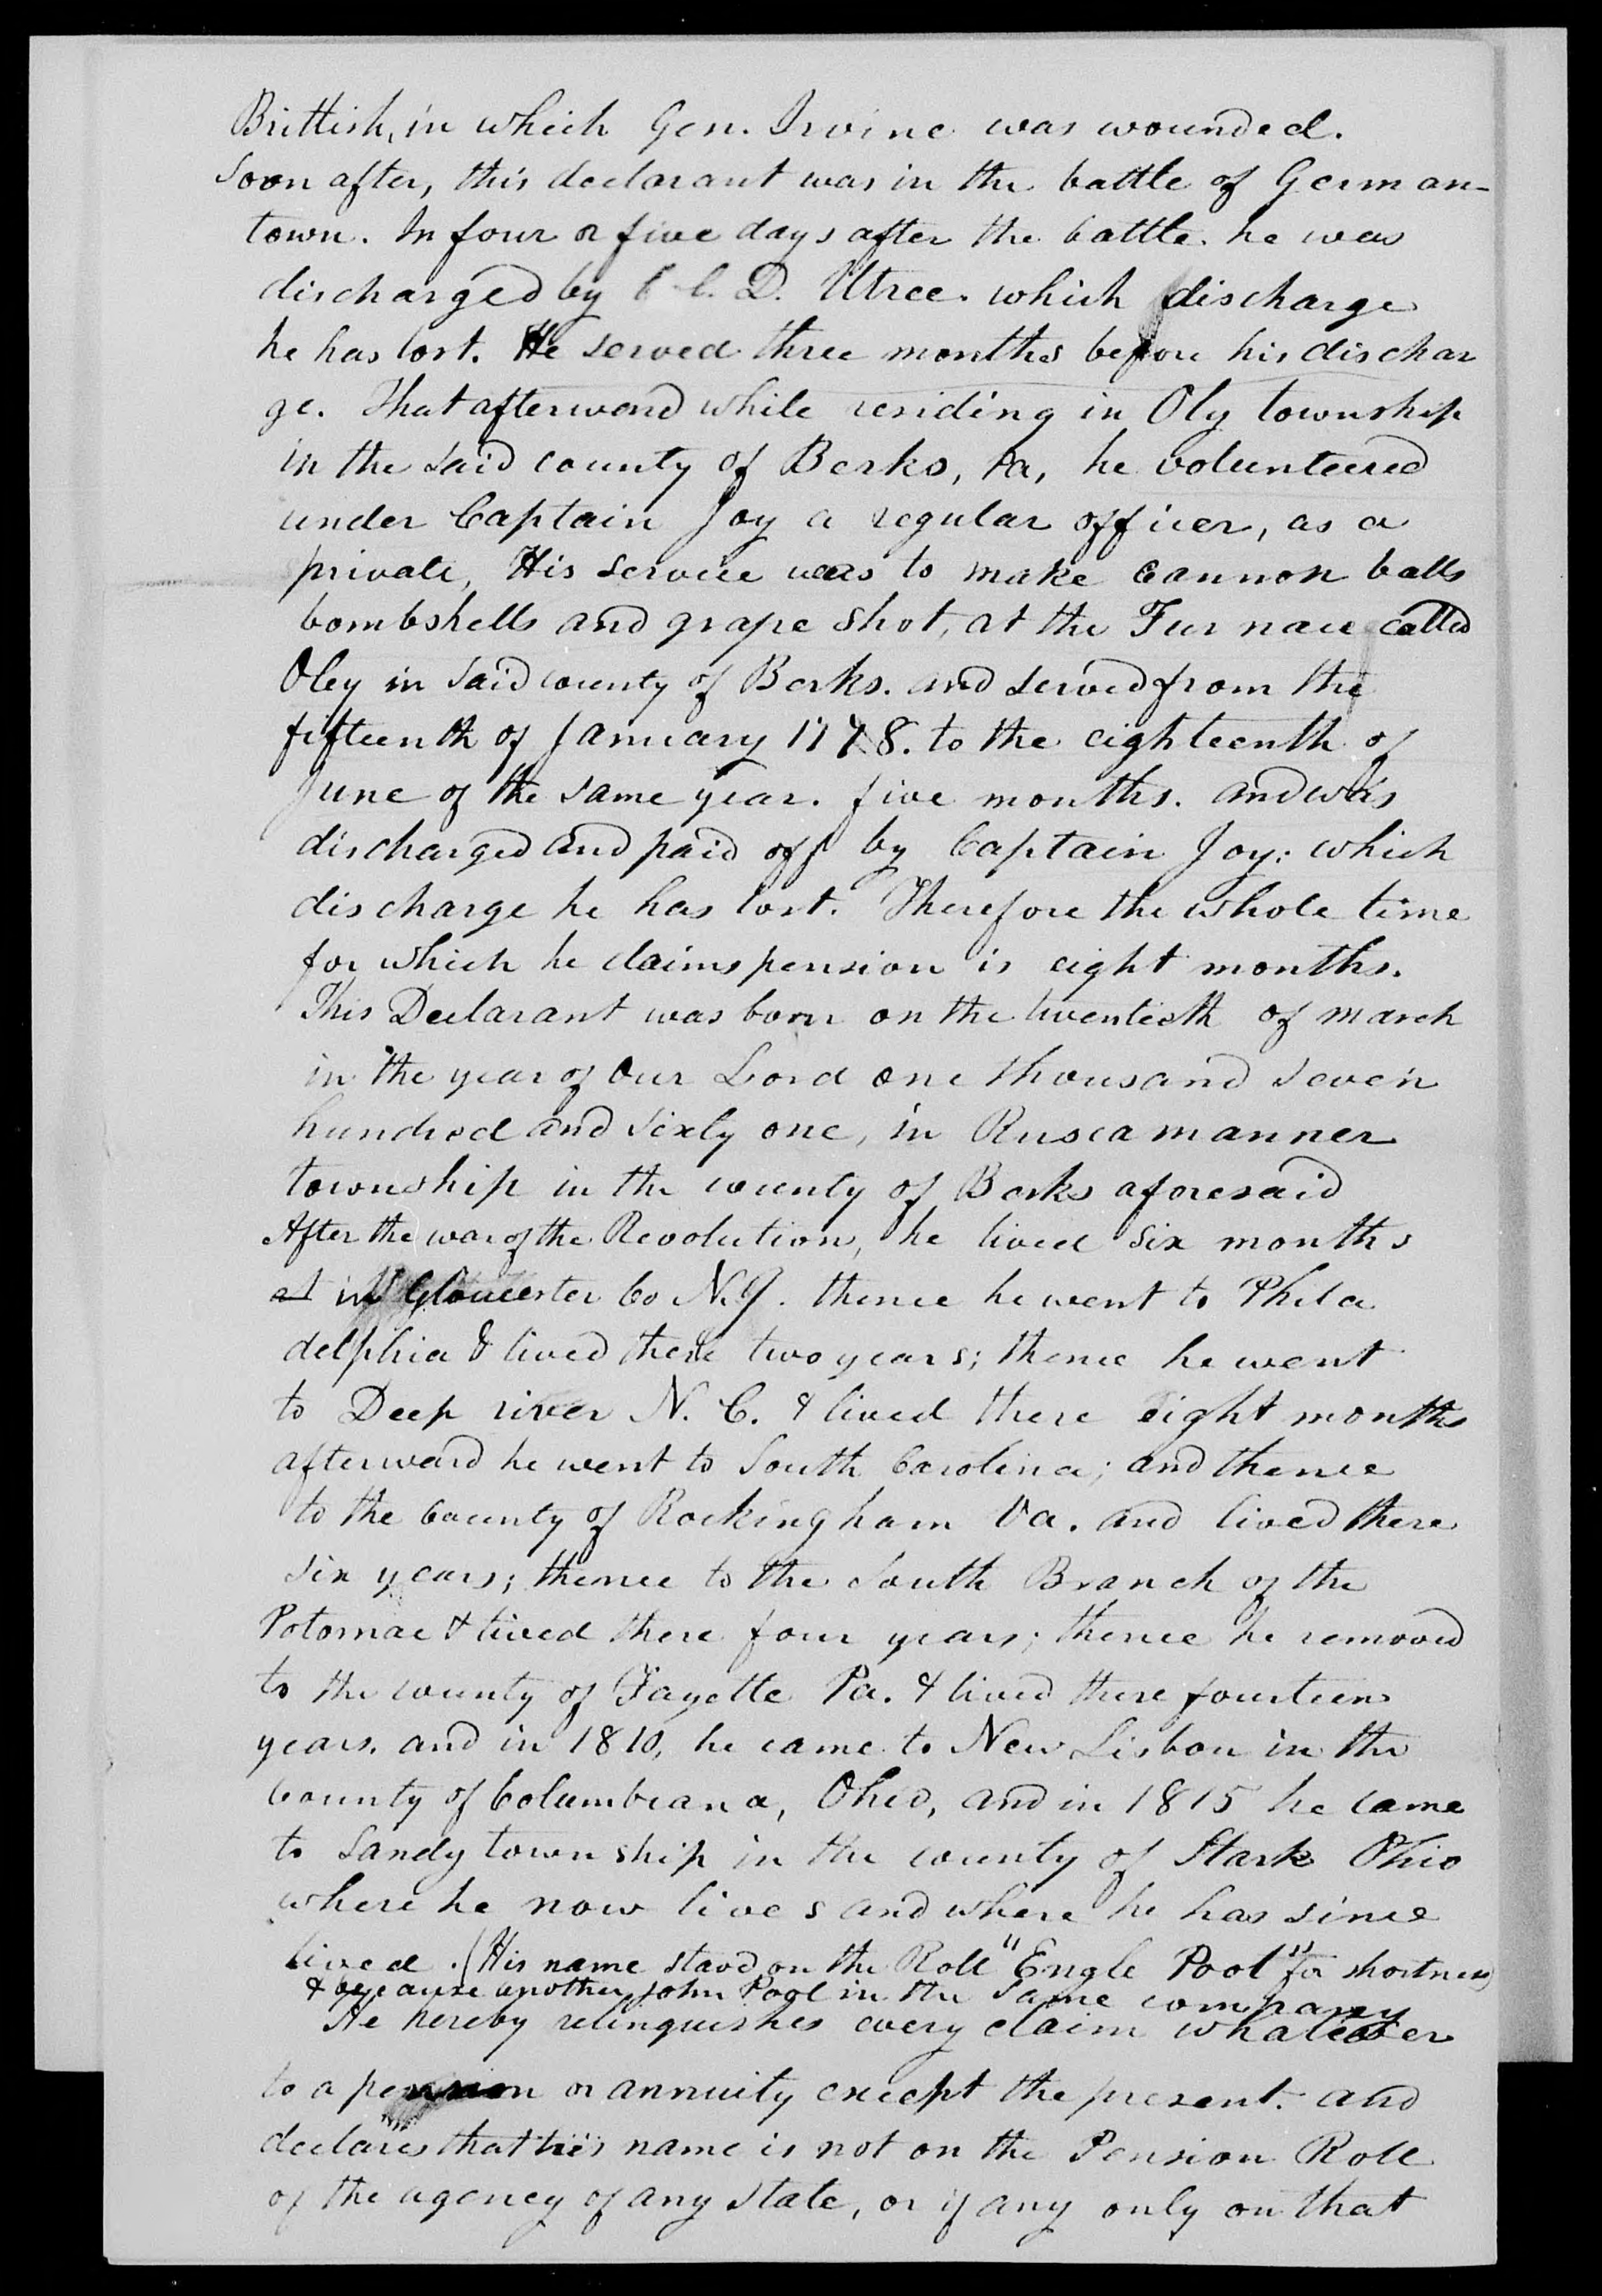Brittish, in which Gen. Irvine was wounded.  Soon after, this Declarant was in the Battle of Germantown.  In four or five days after the Battle he was discharged by Col. D. Utree which discharge he has lost.  He served three months before his discharge.  That afterward while residing in Oley township in the said county of Berks, Pa, he volunteered under Captain Joy a regular officer, as a private.  His service was to make cannon balls bombshells and grape shot, at the Furnace called Oley in said County of Berks. And served from the fifteenth of January 1778. to the eighteenth of June of the same year, five months.  And was discharged and paid off by Captain Joy: which discharge he has lost.  Therefore the whole time for which he claims pension is eight months.  This Declarant was born on the twentieth of March in the year of Our Lord one thousand seven hundred and sixty one, in Ruscombmanor township in the county of Berks aforesaid. After the war of the Revolution, he lived six months in Gloucester Co. N.Y. then he went to Philadelphia and lived there two years; then he went to Deep river N.C. and lived there eight months afterward he went to South Carolina; and thence to the County of Rockingham Va. and lived there six years; thence to the South Branch of the Potomac and lived there four years; thence he removed to the county of Fayette Pa. and lived there fourteen years, and in 1810, he came to New Lisbon in the County of Columbiana, Ohio, and in 1815 he came to Sandy township in the county of Stark Ohio where he now lives and where he has since lived.  (His name staid on the Roll "Engle Pool" for shortness) and because another John Pool in the same company)  He hereby relinquishes every claim whatever to a pension or annuity except the present and declared that his name is not on the Pension Roll of the Agency of any State, or if any only on that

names: John Pool; Engle Pool; D Utree; [BLANK] Joy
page: 4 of 22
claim: rejected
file: R. 8,319, for John Engle Pool, Pennsylvania